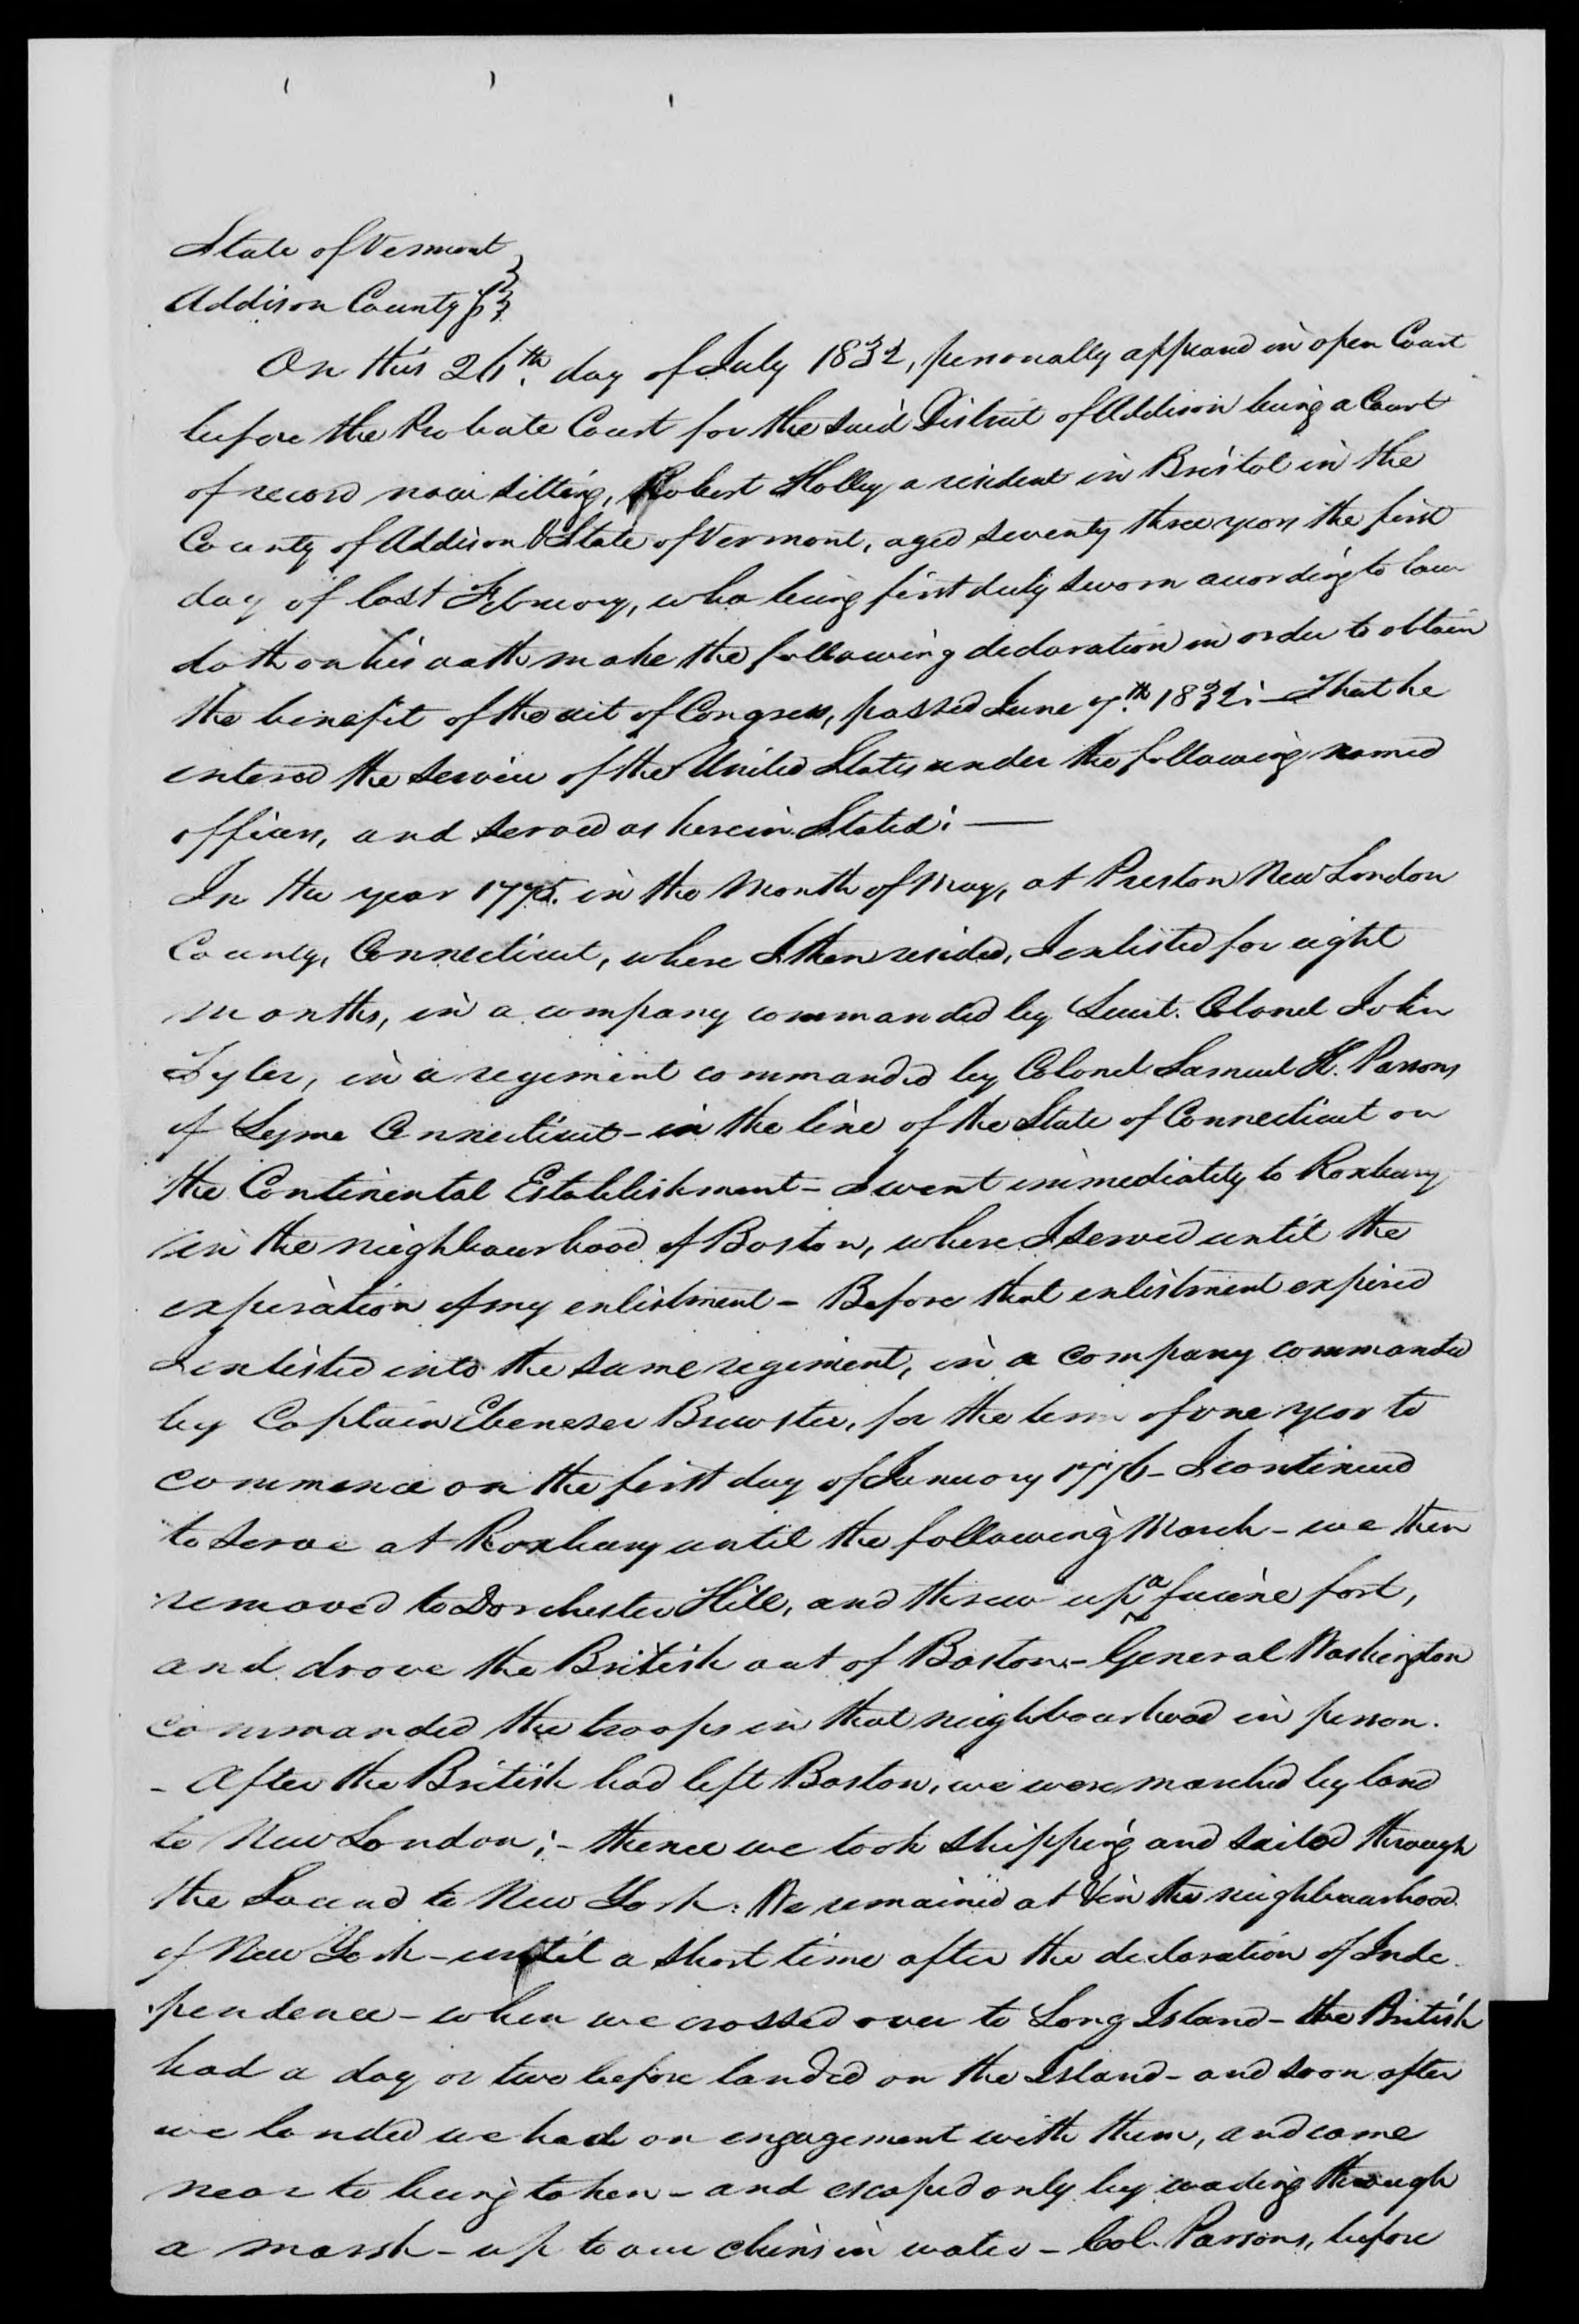State of Vermont
Addison County
On this 26th day of July 1832, personally appeared in open Court before the Probate Court for the said District of Addison being a Court of record now sitting, Robert Holley a resident in Bristol in the County of Addison & State of Vermont, aged seventy three years the first day of last February, who being first duly sworn according to law doth on his oath make the following declaration in order to obtain the benefit of the act of Congress, passed June 7th 1832. - That he entered the service of the United States under the following named officer, and served as herein stated.- In the year 1776 in the month of May, at Preston New London County, Connecticut, where I then resided, I enlisted for eight months, in a company commanded by Lieut. Colonel John Tyler, in a regiment commanded by Colonel Samuel H. Parsons of Lyme Connecticut in the line of the State of Connecticut on the Continental Establishment - I went immediately to Roxbury in the neighbourhood of Boston, where I served until the expiration of my enlistment. Before that enlistment expired I enlisted into the same regiment, in a company commanded
by Captain Ebenezer Brewster, for the term of one year to commence on the first day of January 1776 - I continued to serve at Roxbury until the following March we then removed to Dorchester Hill, and threw up a fascine fort, and drove the British out of Boston. General Washington
commanded the troops in that neighbourhood  [neighborhood] in person
- After the British had left Boston, we were marched by land
to New London, thence we took shipping and sailed through
the sound to New York. We remained at & in the neighborhood
of New York until a short time after the declaration of
Independence, when we crossed over to Long Island. the British
had a day or two before landed on the Island, - and soon after
we landed we had an engagement with them, and come
near to being then and escaped only by wading through
a march [marsh] up to our chins in water-- Col Parsons, before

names: Robert Holley, John Tyler, Dorchester Hile, Washington, Samuel H Parsons, Ebenezer Brewster, Parsons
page: 13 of 62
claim: widow's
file: W. 21391, Robert Holley, Conn.